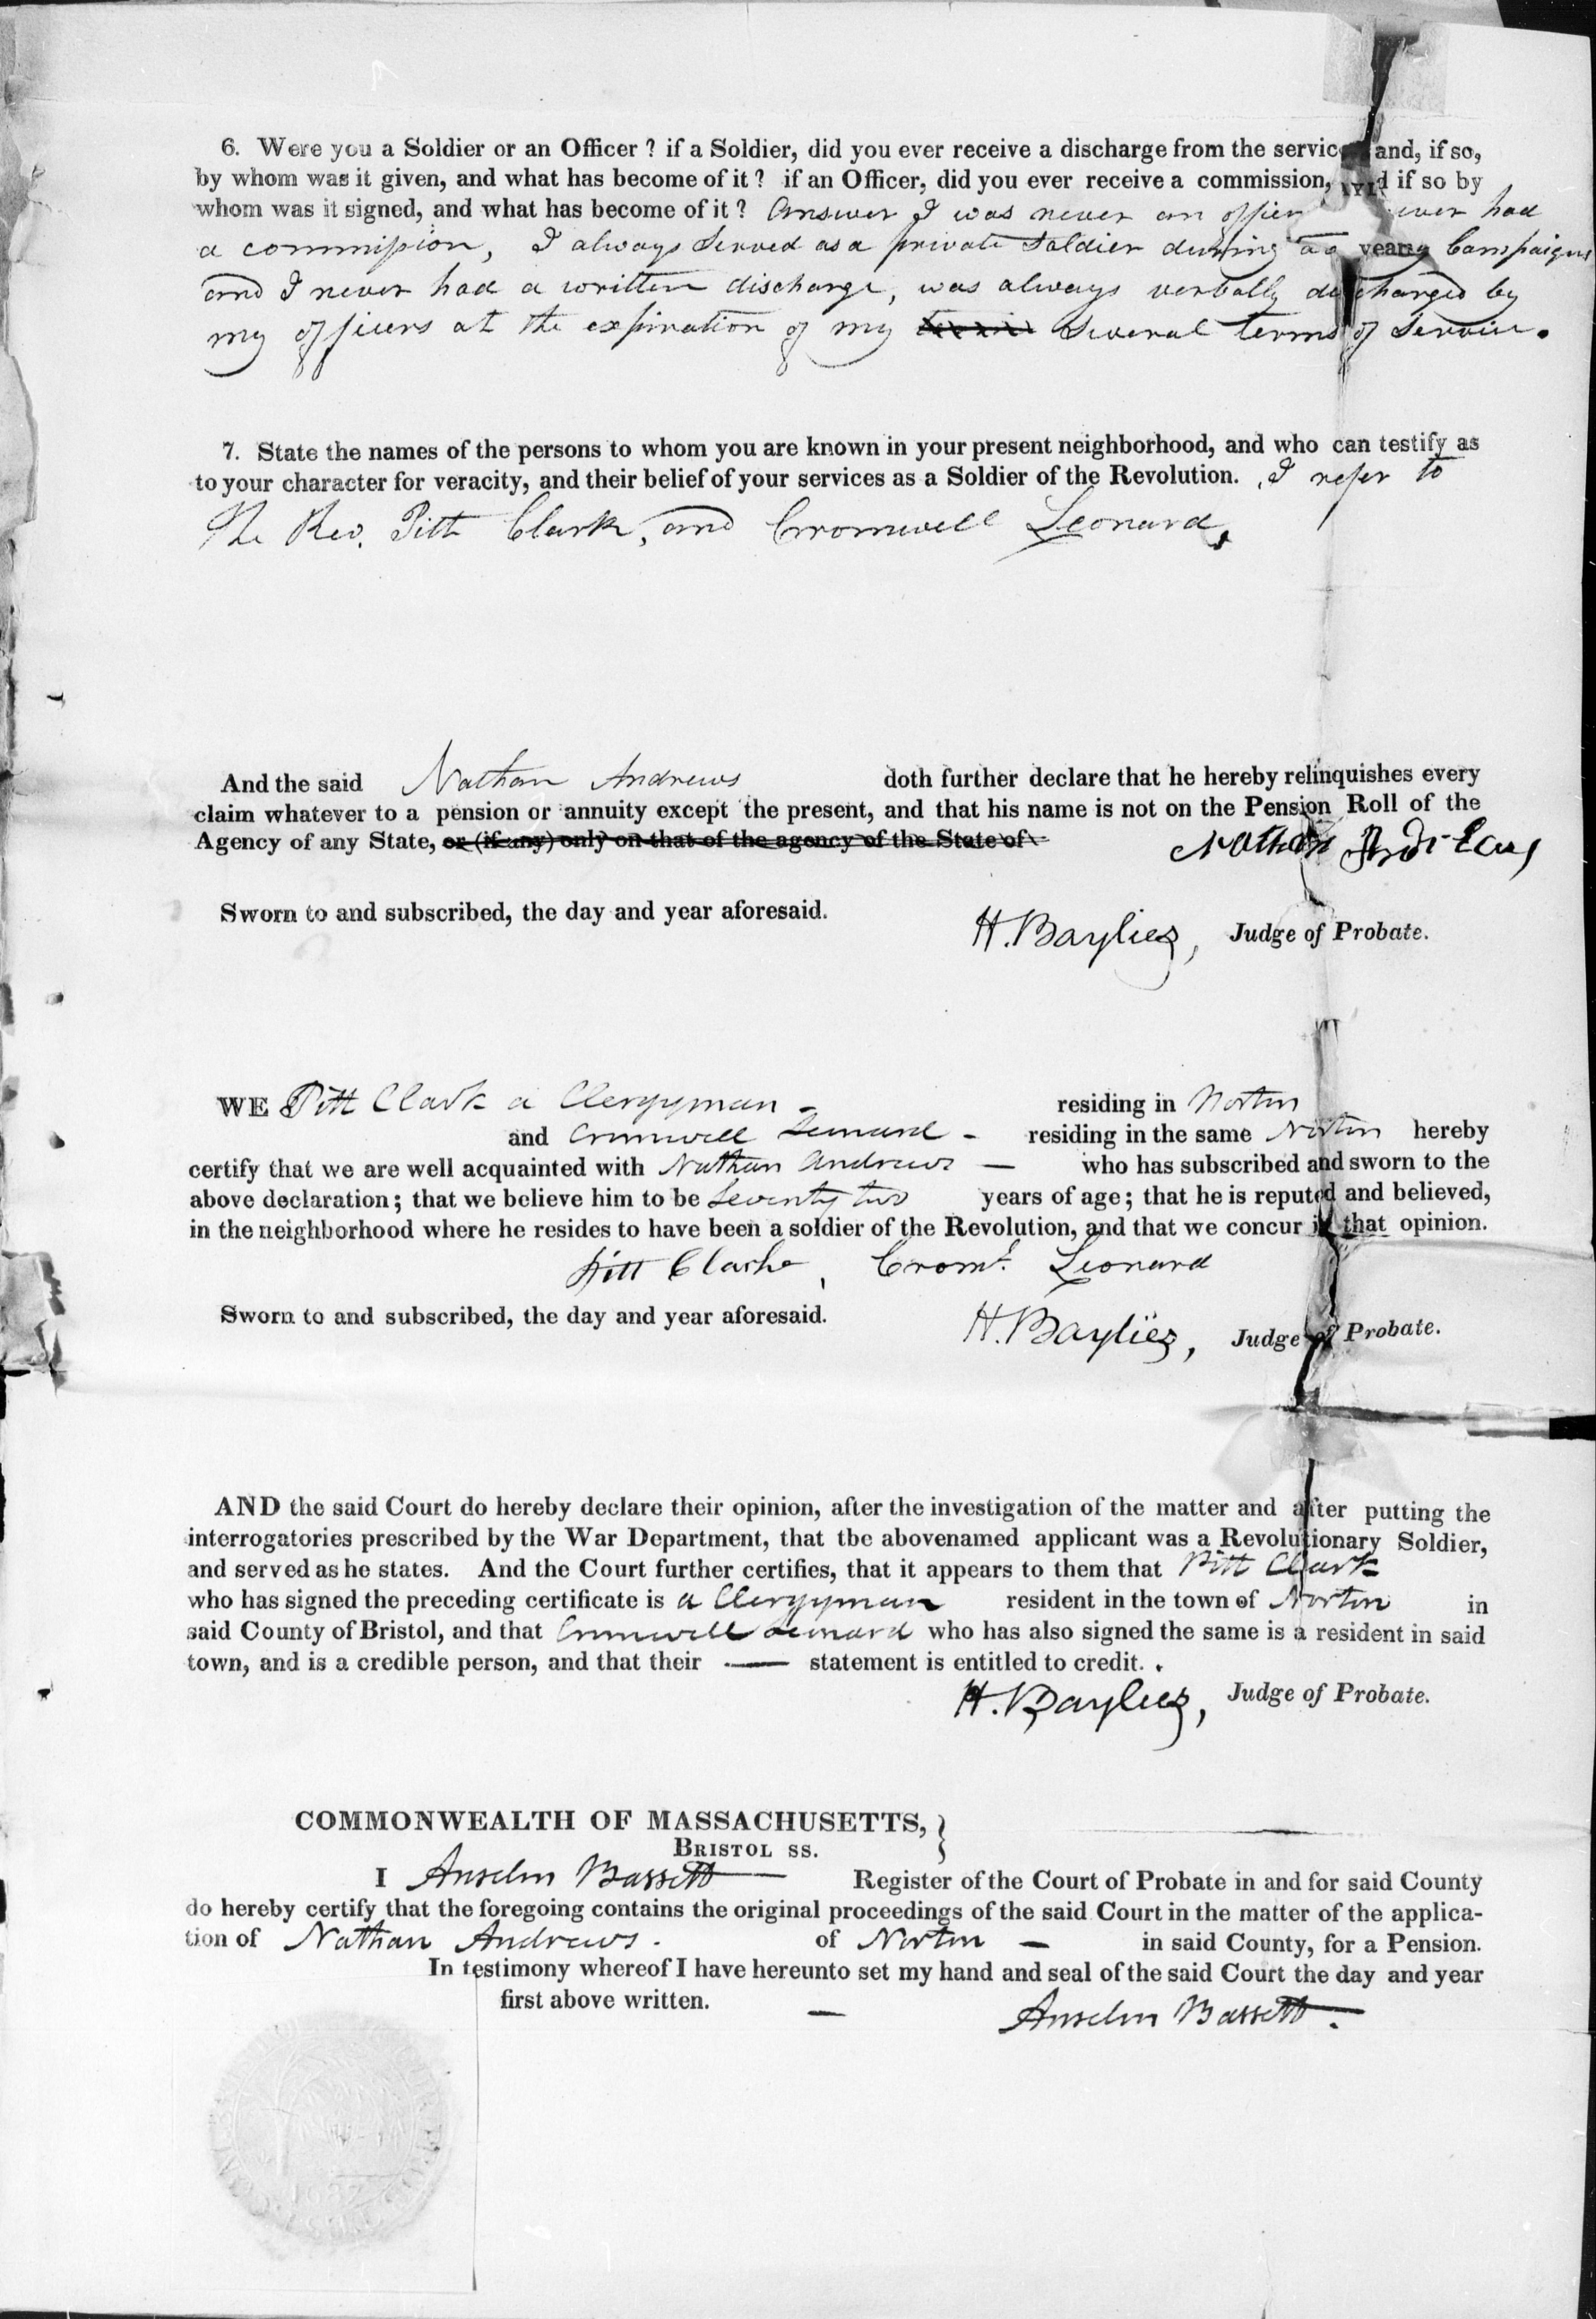6 Were you a soldier or an officer? if a soldier, did you ever receive a discharge from service and if so, by whom was it given, and what has become of it? if an officer, did you ever receive a commission and if so by whom was it signed, and what has become of it? Answer. I was never an officer [illegible] had a commission, I always served as a private soldier during [illegible] campaigns and I never had a written discharge, was always verbally discharged by my officers at the expiration of me several terms of service.

7. State the names of persons to whom you are known in your present neighborhood, and who can testify to your character for veracity, and their belief of your services as a Soldier of the revolution. I refer to the Rev. Pitt Clark and Cromwell Leonard.

And the said Nathan Andrews doth further declare that he hereby relinquishes every claim whatever to a pension or annuity except the present, and that his name is not on the Pension Roll of the Agency of any State. [signed Nathan Andrews]
Sworn to and subscribed, the day and year aforesaid [signed H. Baylies], Judge of Probate
We Pitt Clark a clergyman residing in Norton and Cromwell Leonard residing in the same Norton hereby certify that we are well acquainted with Nathan Andrews who as subscribed and sworn to the above declaration; that we believe him to be seventy two years of age; that he is reputed and believed, in the neighborhood where he resides to have been a soldier of the Revolution, and that we concur in that opinion. [signed Pitt Clark, Cromwl Leonard]
Sworn to and subscribed, the day and year aforesaid [signed H Baylies] Judge of probate
AND the court do hereby declare their opinion, after the investigation of the matter and after putting the interrogatories prescribed by the War Department, that the abovenamed applicant was a Revolutionary Soldier, and served as he states. And the Court further certifies that it appears to them that Pitt Clark who has signed the preceding certificate is a clergyman resident in the town of Norton in said County of Bristol, and that Cromwell Leonard who has also signed the same is a resident in said town, and is a credible person, and that their statement is entitled to credit. [signed H Baylies] Judge of Probate
COMMONWEALTH  of MASSACHUSETTS Bristol SS. I Andrew Bassett Register of the Court of Probate in and for said County do hereby certify that the foregoing contains the original proceedings of the said Court in the matter of the application of Nathan Andrews of Norton in said county for a pension. In testimony whereof I have hereunto set my hand and seal of the said Court the day and year first above written. [signed "Andrew Bassett" seal affixed to the left]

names: Cromwell Leonard, Nathan Andrews, H Baylies, Nathan Andrews, Pitt Clark, Cromwell Leonard, Pitt Clark, Pitt Clark, Anselm Bassett, Nathan Andrews, Nathan Andrews, Anselm Bassett, H Baylies, Pitt Clarke, Croml Leonard, Cromwell Leonard, H Baylies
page: 8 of 18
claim: survivor's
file: S. 29,590, Nathan Andrews, Mass R.I.